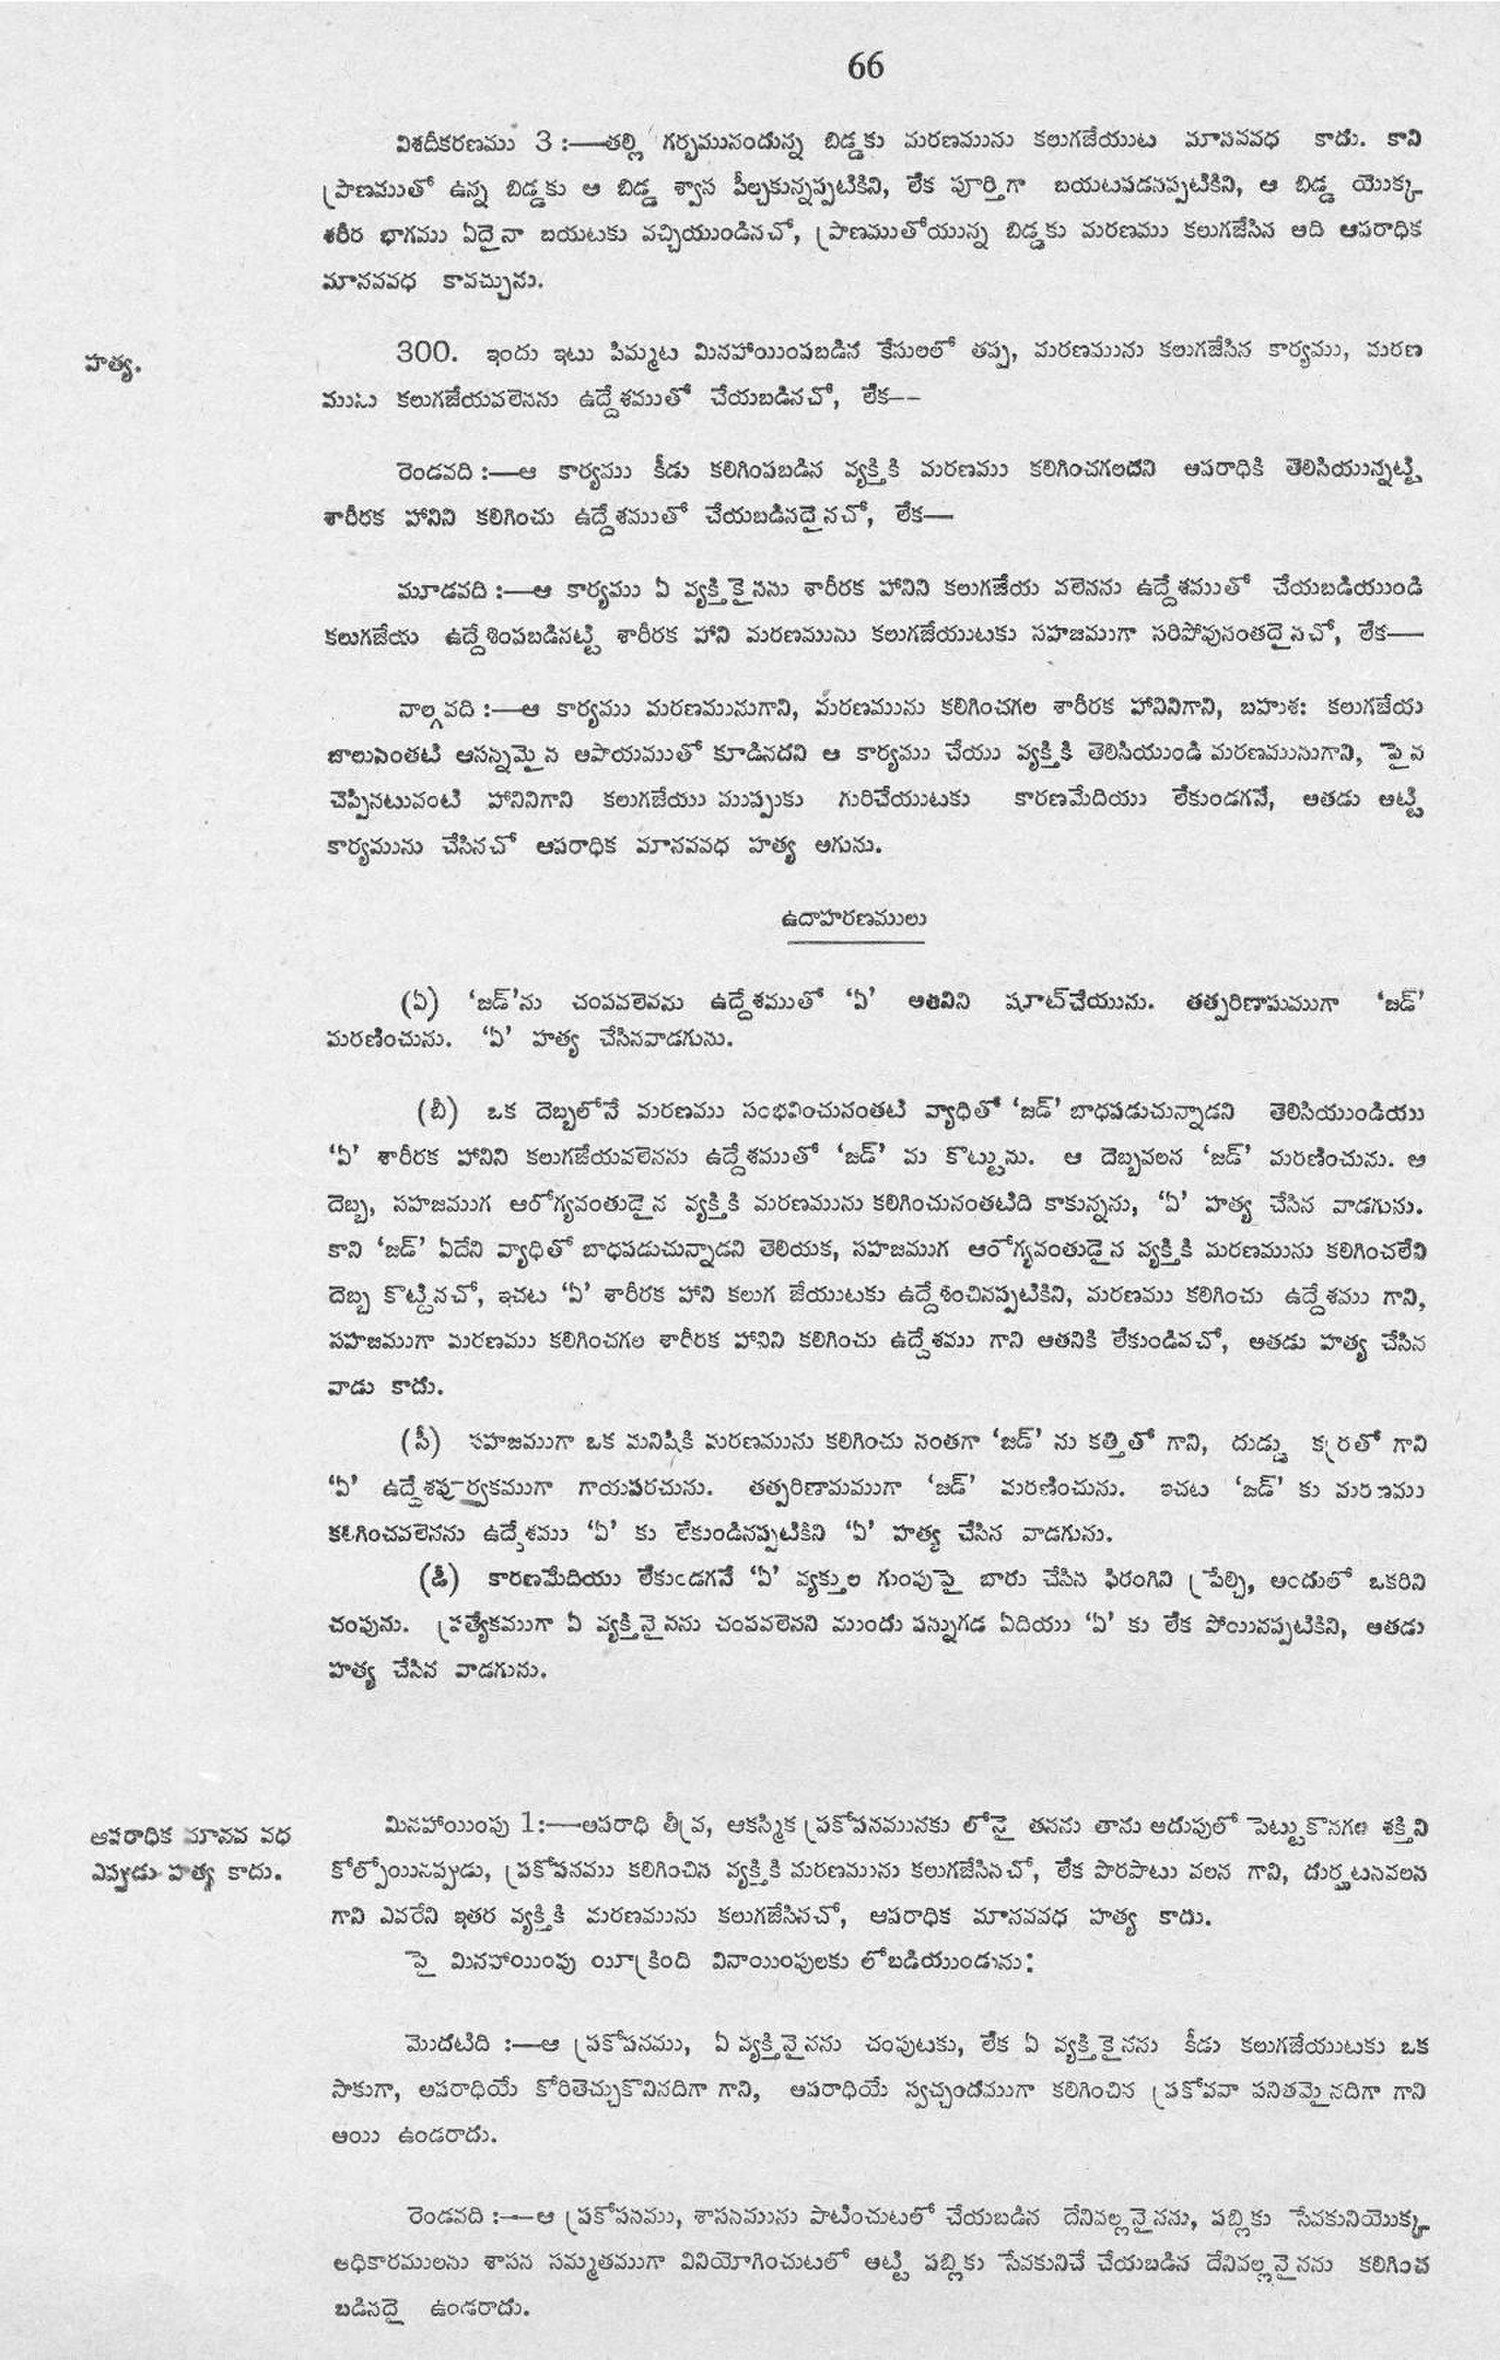విశదీకరణము 3: తల్లి గర్భమునందున్న బిడ్డకు మరణమును కలుగజేయుట మానవవధ కాదు. కాని ప్రాణముతో ఉన్న బిడ్డకు ఆ బిడ్డ శ్వాస పీల్చకున్నప్పటికిని, లేక పూర్తిగా బయటపడనప్పటికిని, ఆ బిడ్డ యొక్క శరీర భాగము ఏదైనా బయటకు వచ్చియుండినచో, ప్రాణముతోయున్న బిడ్డ కు మరణము కలుగజేసిన అది అపరాధిక మానవవధ కావచ్చును.

హత్య,

300. ఇందు ఇటు పిమ్మట మినహాయింపబడిన కేసులలో తప్ప, మరణమును కలుగజేసిన కార్యము, మరణ
మును కలుగజేయవలెనను ఉద్దేశముతో చేయబడినచో, లేక--

రెండవది:—ఆ కార్యము కీడు కలిగింపబడిన వ్యక్తి కి మరణము కలిగించగలదని అపరాధికి తెలిసియున్నట్టి
శారీరక హానిని కలిగించు ఉద్దేశముతో చేయబడినదైనచో, లేక—

హత్య,

మూడవది:—ఆ కార్యము ఏ వ్యక్తి కైనను శారీరక హానిని కలుగజేయ వలెనను ఉద్దేశముతో చేయబడియుండి కలుగజేయ ఉద్దేశింపబడినట్టి శారీరక హాని మరణమును కలుగజేయుటకు సహజముగా సరిపోవునంతదైనచో, లేక--

నాల్గవది: ఆ కార్యము మరణమునుగాని, మరణమును కలిగించగల శారీరక హానినిగాని, బహుశ: కలుగజేయ జాలునంతటి ఆసన్నమైన అపాయముతో కూడినదని ఆ కార్యము చేయు వ్యక్తి కి తెలిసియుండి మరణమునుగాని, పైన చెప్పినటువంటి హానినిగాని కలుగజేయు ముప్పుకు గురిచేయుటకు కారణమేదియు లేకుండగనే, అతడు అట్టి కార్యమును చేసినచో ఆపరాధిక మానవవధ హత్య అగును.

(ఏ) 'జడ్'ను చంపవలెనను ఉద్దేశముతో 'ఏ' అతనిని షూట్ చేయును. తత్పరిణామముగా 'జడ్' మరణించును. 'ఏ' హత్య చేసినవాడగును.

(బి) ఒక దెబ్బలోనే మరణము సంభవించునంతటి వ్యాధితో 'జడ్' బాధపడుచున్నాడని తెలిసియుండియు 'ఏ' శారీరక హానిని కలుగజేయవలెనను ఉద్దేశముతో 'జడ్' ను కొట్టును. ఆ దెబ్బవలన 'జడ్' మరణించును. ఆ దెబ్బ, సహజముగ ఆరోగ్యవంతుడైన వ్యక్తి కి మరణమును కలిగించునంతటిది కాకున్నను, 'ఏ' హత్య చేసిన వాడగును. కాని 'జడ్' ఏదేని వ్యాధితో బాధపడుచున్నాడని తెలియక, సహజముగ ఆరోగ్యవంతుడైన వ్యక్తి కి మరణమును కలిగించలేని దెబ్బ కొట్టినచో, ఇచట 'ఏ' శారీరక హాని కలుగ జేయుటకు ఉద్దేశించినప్పటికిని, మరణము కలిగించు ఉద్దేశము గాని, సహజముగా మరణము కలిగించగల శారీరక హానిని కలిగించు ఉద్దేశము గాని అతనికి లేకుండినచో, ఆతడు హత్య చేసిన వాడు కాదు.

(సీ) సహజముగా ఒక మనిషికి మరణమును కలిగించు నంతగా 'జడ్' ను కత్తితో గాని, దుడ్డు కర్రతో గాని 'ఏ' ఉద్దేశపూర్వకముగా గాయపరచును. తత్పరిణామముగా 'జడ్' మరణించును. ఇచట 'జడ్' కు మరణము కలిగించవలెనను ఉద్దేశము 'ఏ' కు లేకుండినప్పటికిని 'ఏ' హత్య చేసిన వాడగును.

(డీ) కారణమేదియు లేకుండగనే 'ఏ' వ్యక్తుల గుంపు పై బారు చేసిన ఫిరంగిని ప్రేల్చి, అందులో ఒకరిని చంపును. ప్రత్యేకముగా ఏ వ్యక్తినై నను చంపవలెనని ముందు పన్నుగడ ఏదియు 'ఏ' కు లేక పోయినప్పటికిని, ఆతడు హత్య చేసిన వాడగును.

ఆపరాధిక మానవ వధ ఎప్పుడు హత్య కాదు.

మినహాయింపు 1:—అపరాధి తీవ్ర, ఆకస్మిక ప్రకోపనమునకు లోనై తనను తాను అదుపులో పెట్టుకొనగల శక్తిని కోల్పోయినప్పుడు, ప్రకోపనము కలిగించిన వ్యక్తి కి మరణమును కలుగజేసినచో, లేక పొరపాటు వలన గాని, దుర్ఘటన వలన గాని ఎవరేని ఇతర వ్యక్తి కి మరణమును కలుగజేసినచో, ఆపరాధిక మానవవధ హత్య కాదు.

పై మినహాయింపు యీ క్రింది మినహయింపులకు లోబడియుండును:

మొదటిది :—ఆ ప్రకోపనము, ఏ వ్యక్తినైనను చంపుటకు, లేక ఏ వ్యక్తి కై నను కీడు కలుగజేయుటకు ఒక సాకుగా, అపరాధియే కోరితెచ్చుకొనినదిగా గాని, అపరాధియే స్వచ్ఛందముగా కలిగించిన ప్రకోవవా పనితమై నదిగా గాని అయి ఉండరాదు.

రెండవది :- ఆ ప్రకోపనము, శాసనమును పాటించుటలో చేయబడిన దేనివల్ల నైనను, పబ్లికు సేవకునియొక్క అధికారములను శాసన సమ్మతముగా వినియోగించుటలో అట్టి పబ్లికు సేవకునిచే చేయబడిన దేనివల్ల నైనను కలిగించబడినదై ఉండరాదు.